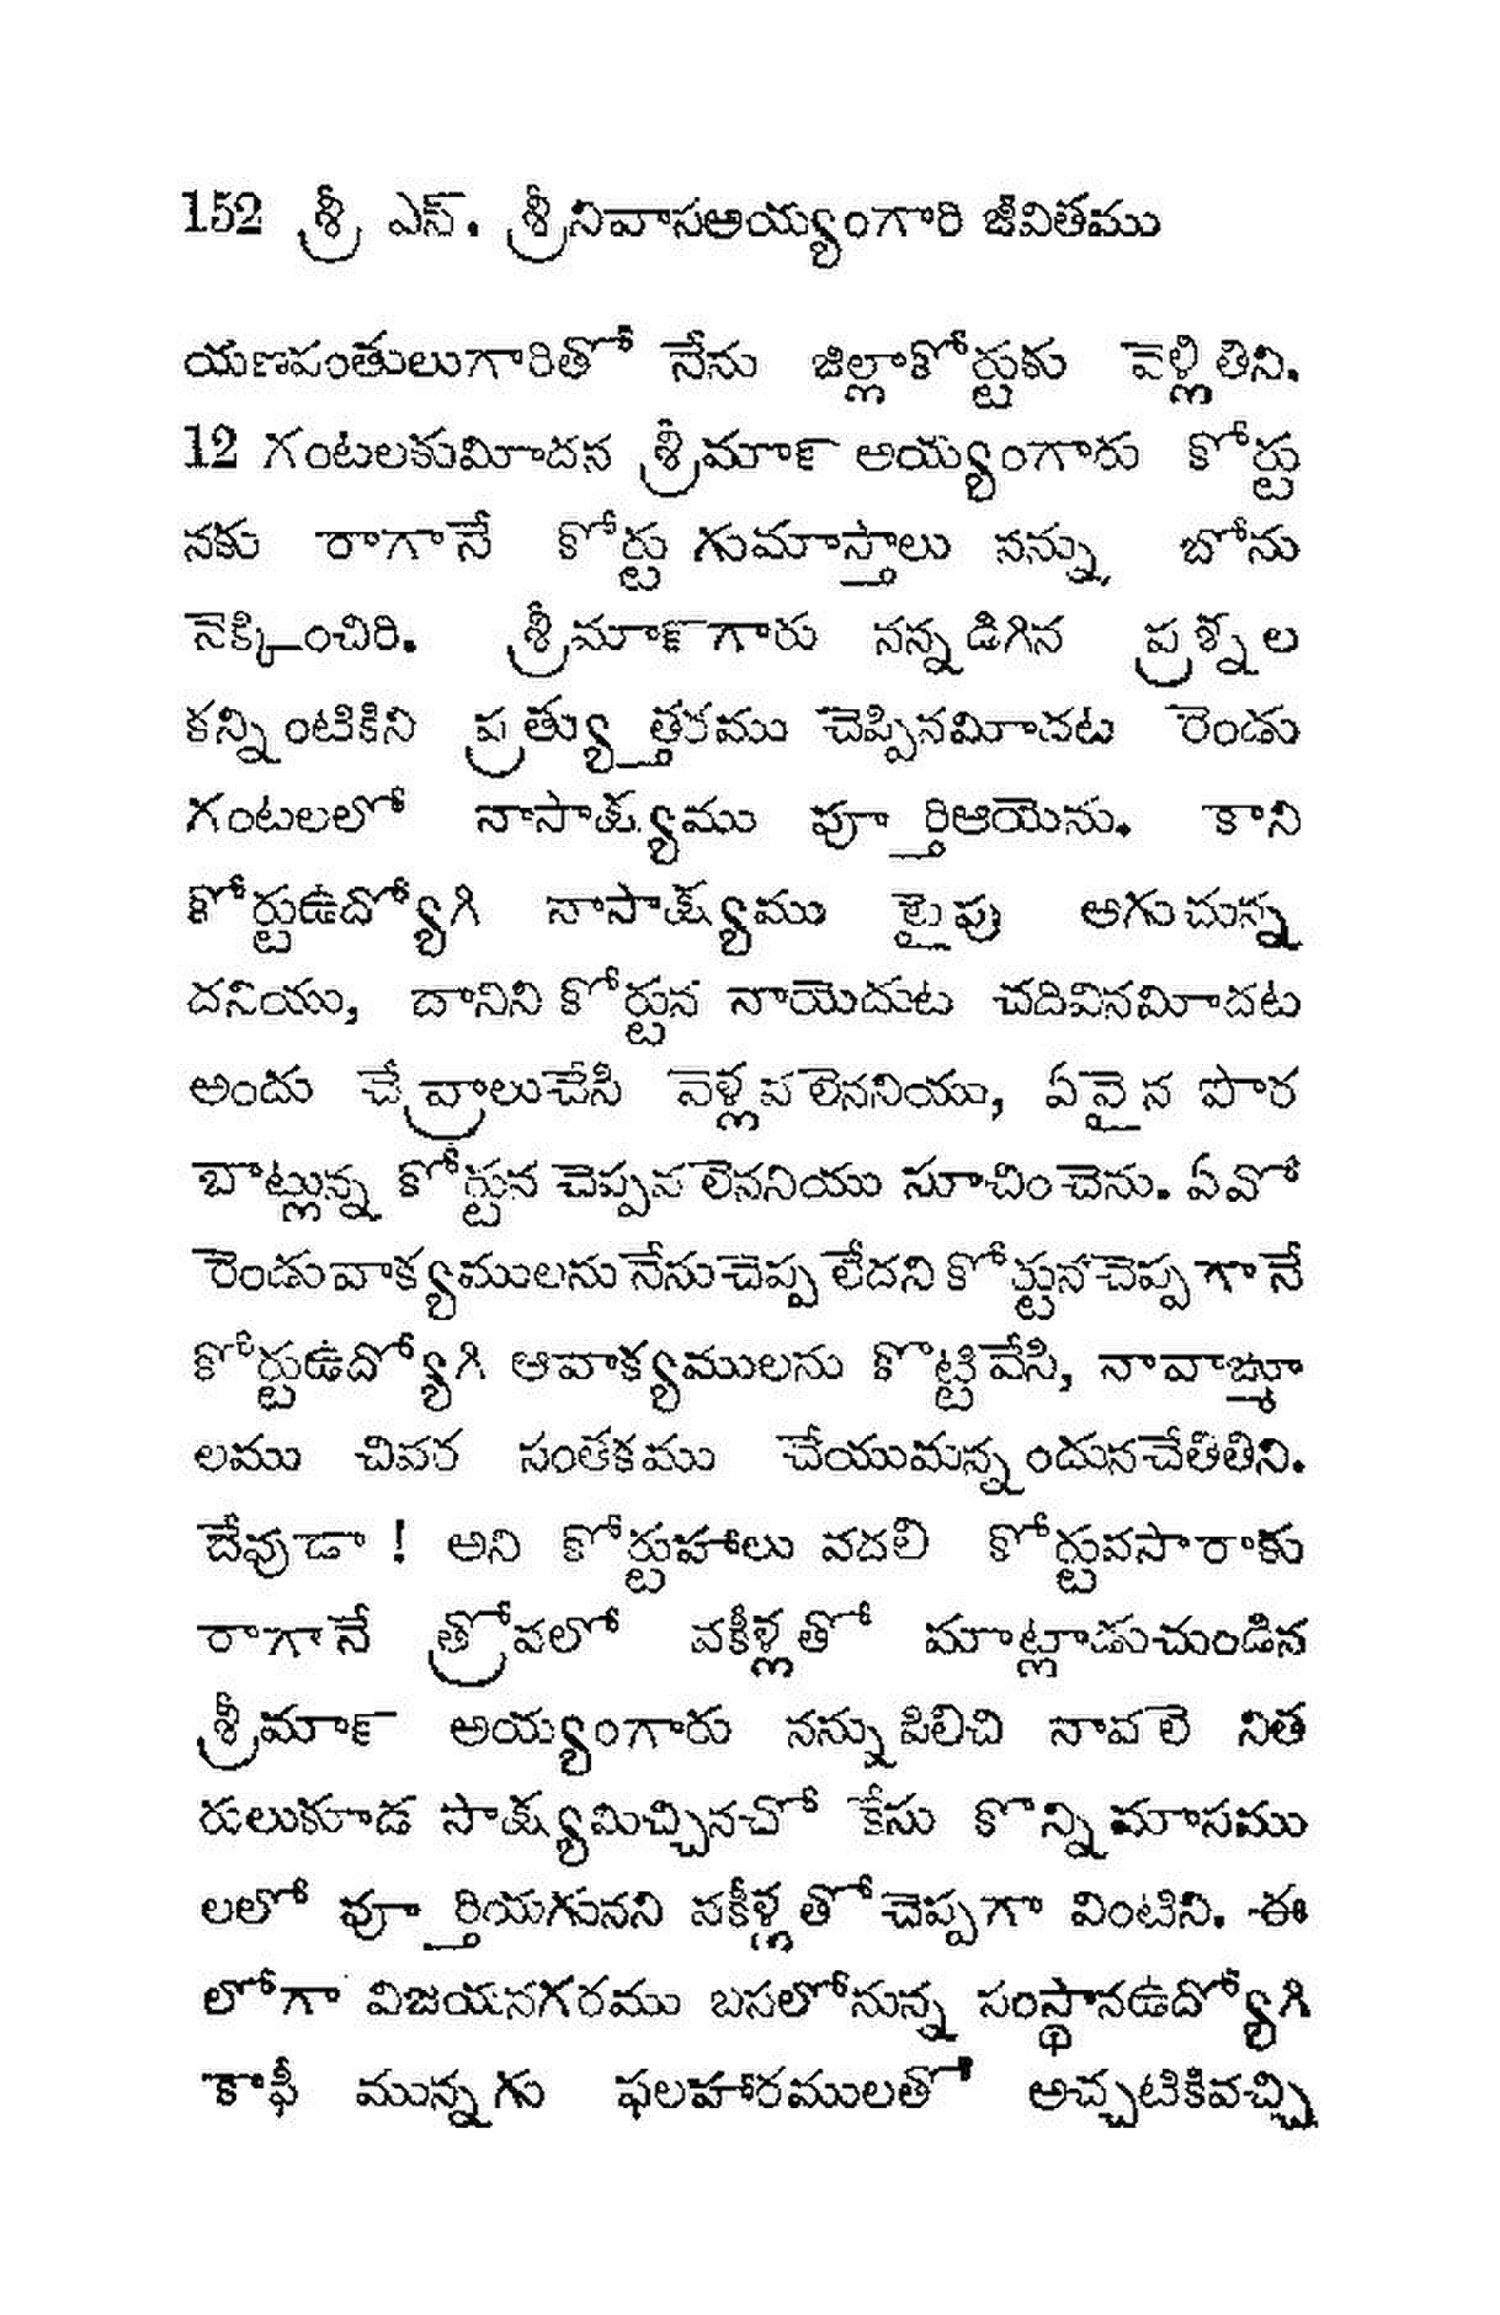యణవంతులుగారితో నేను జిల్లాకోర్టుకు వెళ్లితిని. 12 గంటలకుమీదన శ్రీమా౯ అయ్యంగారు కోర్టునకు రాగానే కోర్టు గుమాస్తాలు నన్ను బోను నెక్కించిరి. శ్రీమా౯గారు నన్నడిగిన ప్రశ్నల కన్నింటికిని ప్రత్యుత్తరము చెప్పినమీదట రెండు గంటలలో నాసాక్ష్యము పూర్తిఆయెను. కాని కోర్టుఉద్యోగి నాసాక్ష్యము టైపు అగుచున్నదనియు, దానిని కోర్టున నాయెదుట చదివినమీదట అందు చేవ్రాలుచేసి వెళ్లవలెననియు, ఏవైన పొరబాట్లున్న కోర్టున చెప్పవలెననియు సూచించెను. ఏవో రెండువాక్యములను నేను చెప్పలేదని కోర్టునచెప్పగానే కోర్టుఉద్యోగి ఆవాక్యములను కొట్టివేసి, నావాఙ్మూలము చివర సంతకము చేయుమన్నందునచేసితిని. దేవుడా ! అని కోర్టుహాలు వదలి కోర్టువసారాకు రాగానే త్రోవలో వకీళ్లతో మాట్లాడుచుండిన శ్రీమా౯ అయ్యంగారు నన్నుపిలిచి నావలె నితరులుకూడ సాక్ష్యమిచ్చినచో కేసు కొన్నిమాసములలో పూర్తియగునని వకీళ్లతో చెప్పగా వింటిని. ఈ లోగా విజయనగరము బసలోనున్న సంస్థానఉద్యోగి కాఫీ మున్నగు ఫలహారములతో అచ్చటికివచ్చి